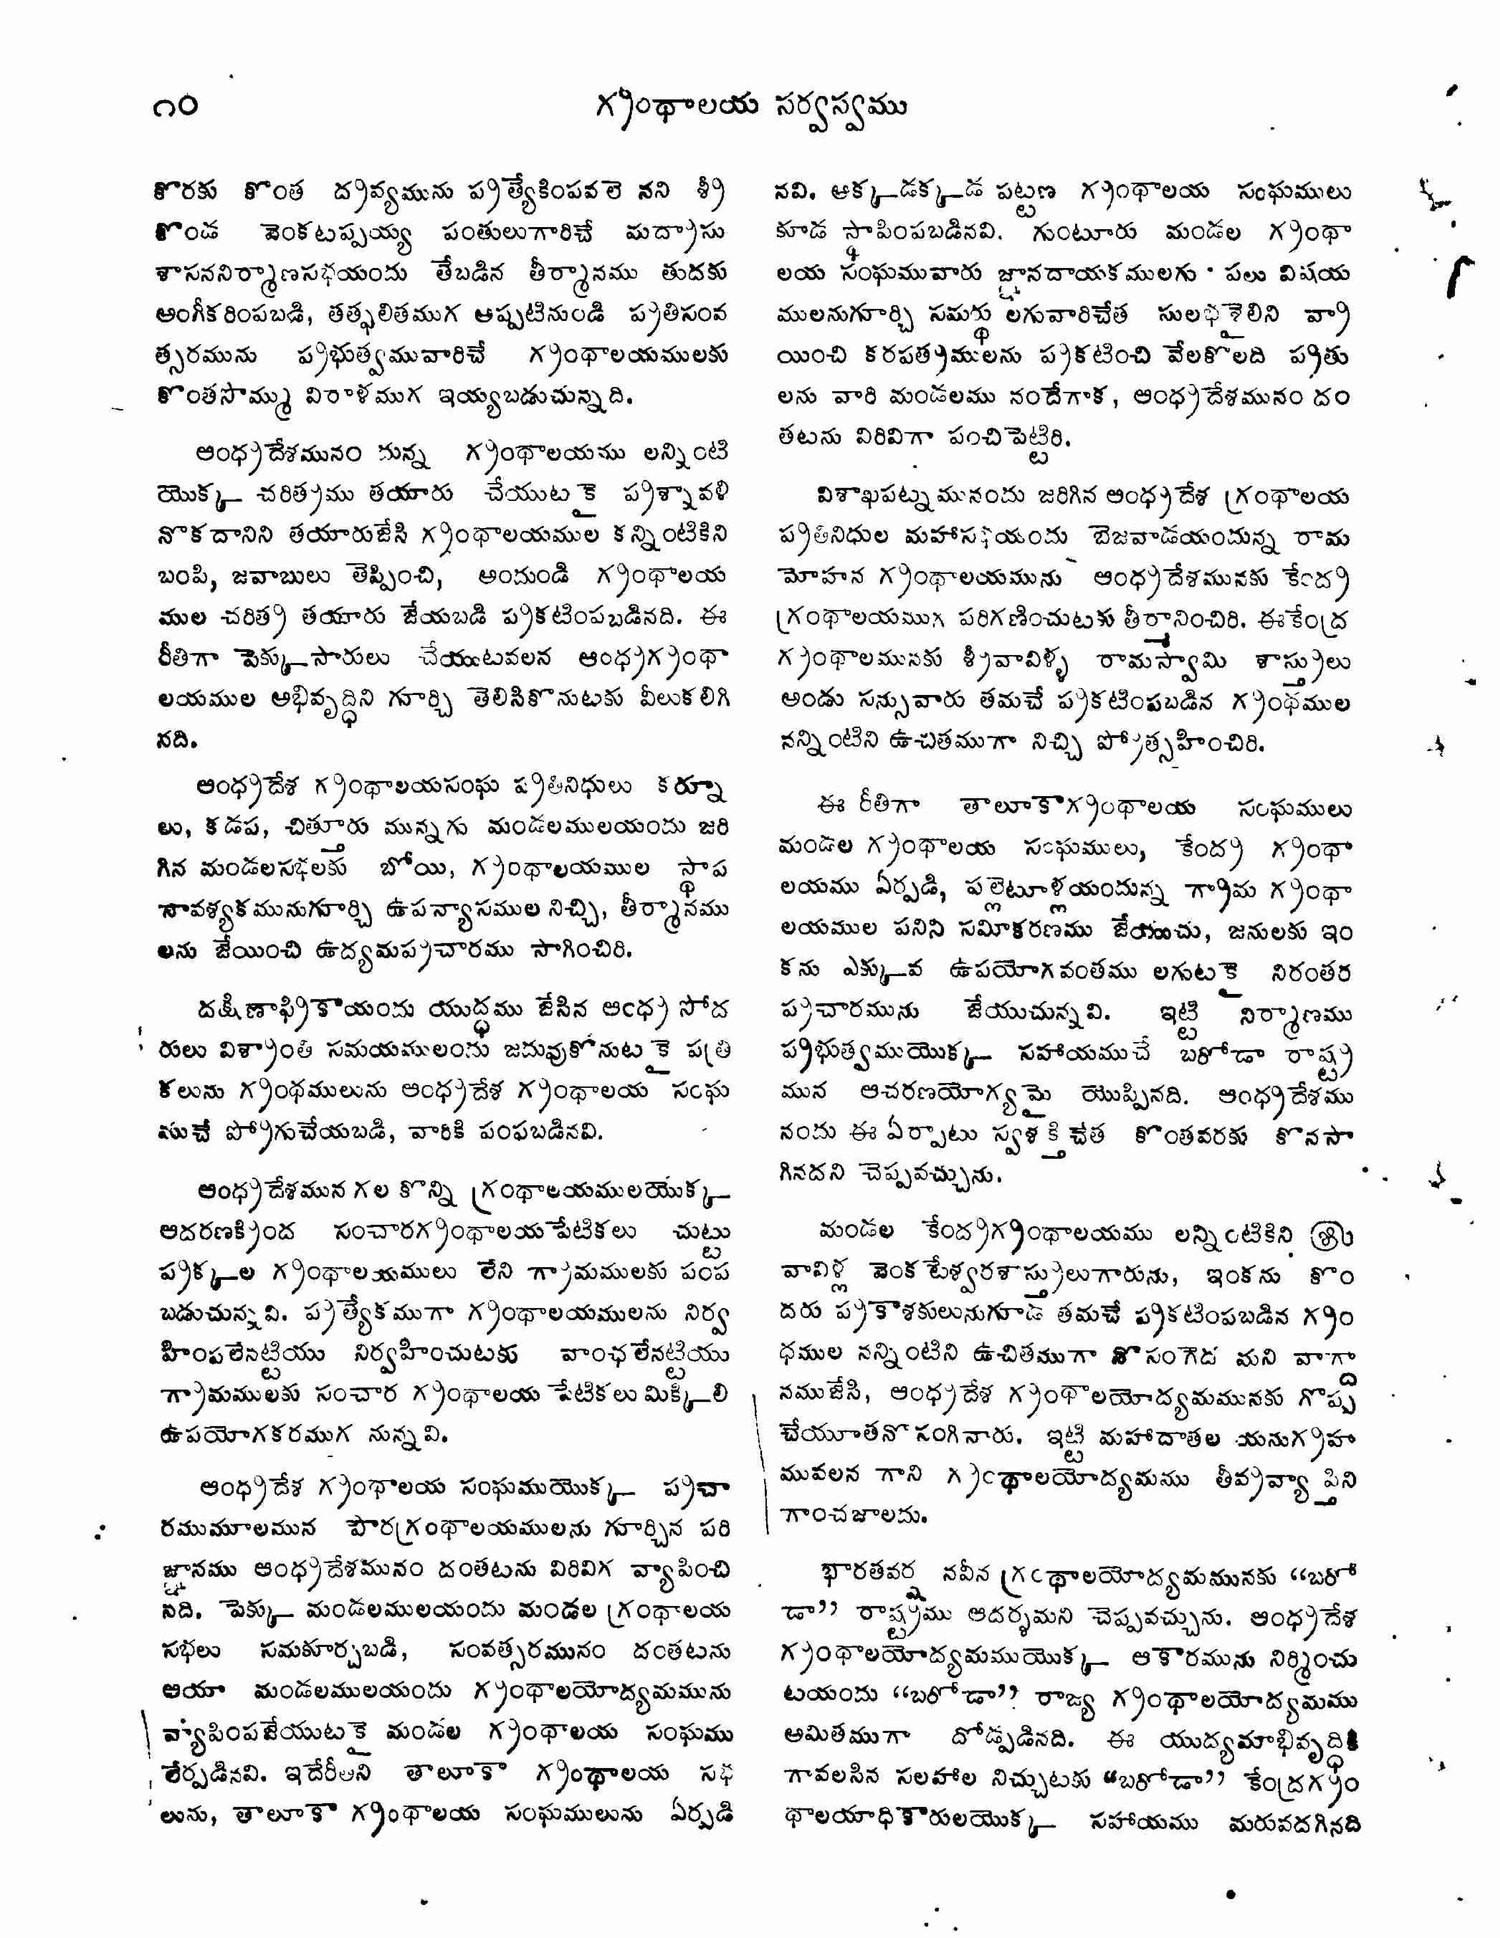కొరకు కొంత ద్రవ్యమును ప్రత్యేకింపవలెనని శ్రీ కొండ వెంకటప్పయ్య పంతులుగారిచే మద్రాసు శాసన నిర్మాణ సభ యందు తేబడిన తీర్మానము తుదకు అంగీకరింపబడి, తత్ఫలితముగ అప్పటినుండి ప్రతి సంవత్సరమును ప్రభుత్వమువారిచే గ్రంథాలయములకు
కొంతసొమ్ము విరాళముగ ఇయ్యబడుచున్నది.

ఆంధ్ర దేశమునందున్న గ్రంథాలయము లన్నింటి యొక్క చరిత్రము తయారు చేయుటకై ప్రశ్నావళి నొకదానిని తయారుజేసి గ్రంథాలయముల కన్నింటికిని బంపి, జవాబులు తెప్పించి, అందుండి గ్రంథాలయముల చరిత్ర తయారు జేయబడి ప్రకటింపబడినది. ఈ రీతిగా పెక్కు సారులు చేయుటవలన ఆంధ్ర గ్రంథాలయముల అభివృద్ధిని గూర్చి తెలిసికొనుటకు వీలు కలిగినది.

ఆంధ్రదేశ గ్రంథాలయ సంఘ ప్రతినిధులు కర్నూలు, కడప, చిత్తూరు మున్నగు మండలముల యందు జరిగిన మండల సభలకు బోయి, గ్రంథాలయముల స్థాప సౌవశ్యకమునుగూర్చి ఉపన్యాసముల నిచ్చి, తీర్మానములను జేయించి ఉద్యమప్రచారము సాగించిరి.

దక్షిణాఫ్రికాయందు యుద్ధము జేసిన అంధ్ర సోదరులు విశ్రాంతి సమయములందు జదువుకోనుటకై పత్రికలుసు గ్రంథములును 
ఆంధ్రదేశ గ్రంథాలయ సంఘముచే ప్రోగుచేయబడి, వారికి పంపబడినవి.

ఆంధ్ర దేశమున గల కొన్ని గ్రంథాలయముల యొక్క ఆదరణకింద సంచారగ్రంథాలయ పేటికలు చుట్టపక్కల గ్రంథాలయములు లేని గ్రామములకు పంపబడుచున్నవి. ప్రత్యేకముగా గ్రంథాలయములను నిర్వహింపలేనట్టియు నిర్వహించుటకు వాంఛలేనట్టియు
గ్రామములకు సంచార గ్రంథాలయ పేటికలు మిక్కిలి ఉపయోగకరముగ నున్నవి.

ఆంధ్రదేశ గ్రంథాలయ సంఘముయొక్క ప్రచారము మూలమున పౌరగ్రంథాలయములను గూర్చిన పరిజ్ఞానము ఆంధ్రదేశము 
నందంతటను విరివిగ వ్యాపించినిది, పెక్కు మండలములయందు మండల గ్రంథాలయ సభలు సమకూర్చబడి, సంవత్సరము
నందంతటను ఆయా మండలములయందు గ్రంథాలయోద్యమమును వ్యాపింపజేయుటకై మండల గ్రంథాలయ సంఘము లేర్పడినవి. ఇదేరీలని తాలూకా గ్రంథాలయ సభలును, తాలూకా గ్రంథాలయ సంఘములును ఏర్పడినవి. ఆక్కడక్కడ పట్టణ గ్రంథాలయ సంఘములు కూడ సాపింపబడినవి. గుంటూరు మండల గ్రంథాలయ సంఘమువారు జ్ఞానదాయకములగు పలు విషయములను గూర్చి సమర్థులగు వారిచేత సులభ శైలిని వ్రాయించి కరపత్రములను ప్రకటించి వేలకొలది ప్రతులను వారి మండలము నందేగాక, ఆంధ్ర దేశమునం దంతటను విరివిగా పంచి పెట్టిరి.

విశాఖపట్నమునందు జరిగిన ఆంధ్ర దేశ గ్రంథాలయ ప్రతినిధుల మహాస యందు బెజవాడయందున్న రామ మోహన గ్రంధాలయమును ఆంధ్రదేశమునకు కేంద్ర గ్రంథాలయముగ పరిగణించుటకు తీరానించిరి. ఈ కేంద్ర గ్రంథాలమునకు శ్రీ వావిళ్ళ రామస్వామి శాస్త్రులు
అండు సన్సువారు తమచే ప్రకటింపబడిన గ్రంథముల నన్నింటిని ఉచితముగా నిచ్చి ప్రోత్సహించిరి.

ఈ రీతిగా తాలూకాగ్రంథాలయ సంఘములు మండల గ్రంథాలయ సంఘములు, కేంద్ర గ్రంథాలయము ఏర్పడి, పల్లెటూళ్లయందున్న గ్రామ గ్రంథాలయముల పనిని సమీకరణము జేయంచు, జనులకు ఇంకను ఎక్కువ ఉపయోగవంతము లగుటకై నిరంతర ప్రచారమును జేయుచున్నవి. ఇట్టి నిర్మాణము ప్రభుత్వముయొక్క సహాయముచే బరోడా రాష్ట్రమున ఆచరణయోగ్యమై యొప్పినది. ఆంధ్రదేశము
నందు ఈ ఏర్పాటు స్వశక్తి చేత కొంతవరకు కొనసాగినదని చెప్పవచ్చును.

మండల కేంద్ర గ్రంథాలయము లన్నింటికిని వావిళ్ల వెంక టేశ్వరశాస్త్రులుగారును, ఇంకను కొందరు ప్రకాశకులునుగూడె తమచే ప్రకటింపబడిన గ్రంధముల నన్నింటిని ఉచితముగా దొసంగెడ మని వాగ్దానముజేసి, ఆంధ్రదేశ గ్రంథాలయోద్యమమునకు గొప్ప
చేయూతనోసంగినారు. ఇట్టి మహాదాతల యనుగ్రహమువలన గాని గ్రంథాలయోద్యమము తీవ్రవ్యాప్తిని గాంచజాలదు.

భారతవర్ష నవీన గ్రంథాలయోద్యమమునకు “బరోడా" రాష్ట్రము ఆదర్శమని చెప్పవచ్చును. అంధ్రదేశ గ్రంథాలయోద్యమము యొక్క ఆకారమును నిర్మించుటయందు “బరోడా”? రాజ్య గ్రంథాలయోద్యమము అమితముగా దోడ్పడినది. ఈ యుద్యమాభివృద్ధికి
గావలసిన సలహాల నిచ్చుటకు 'బరోడా” కేంద్ర గంథాలయాధికారుల యొక్క సహాయము మరువదగినది